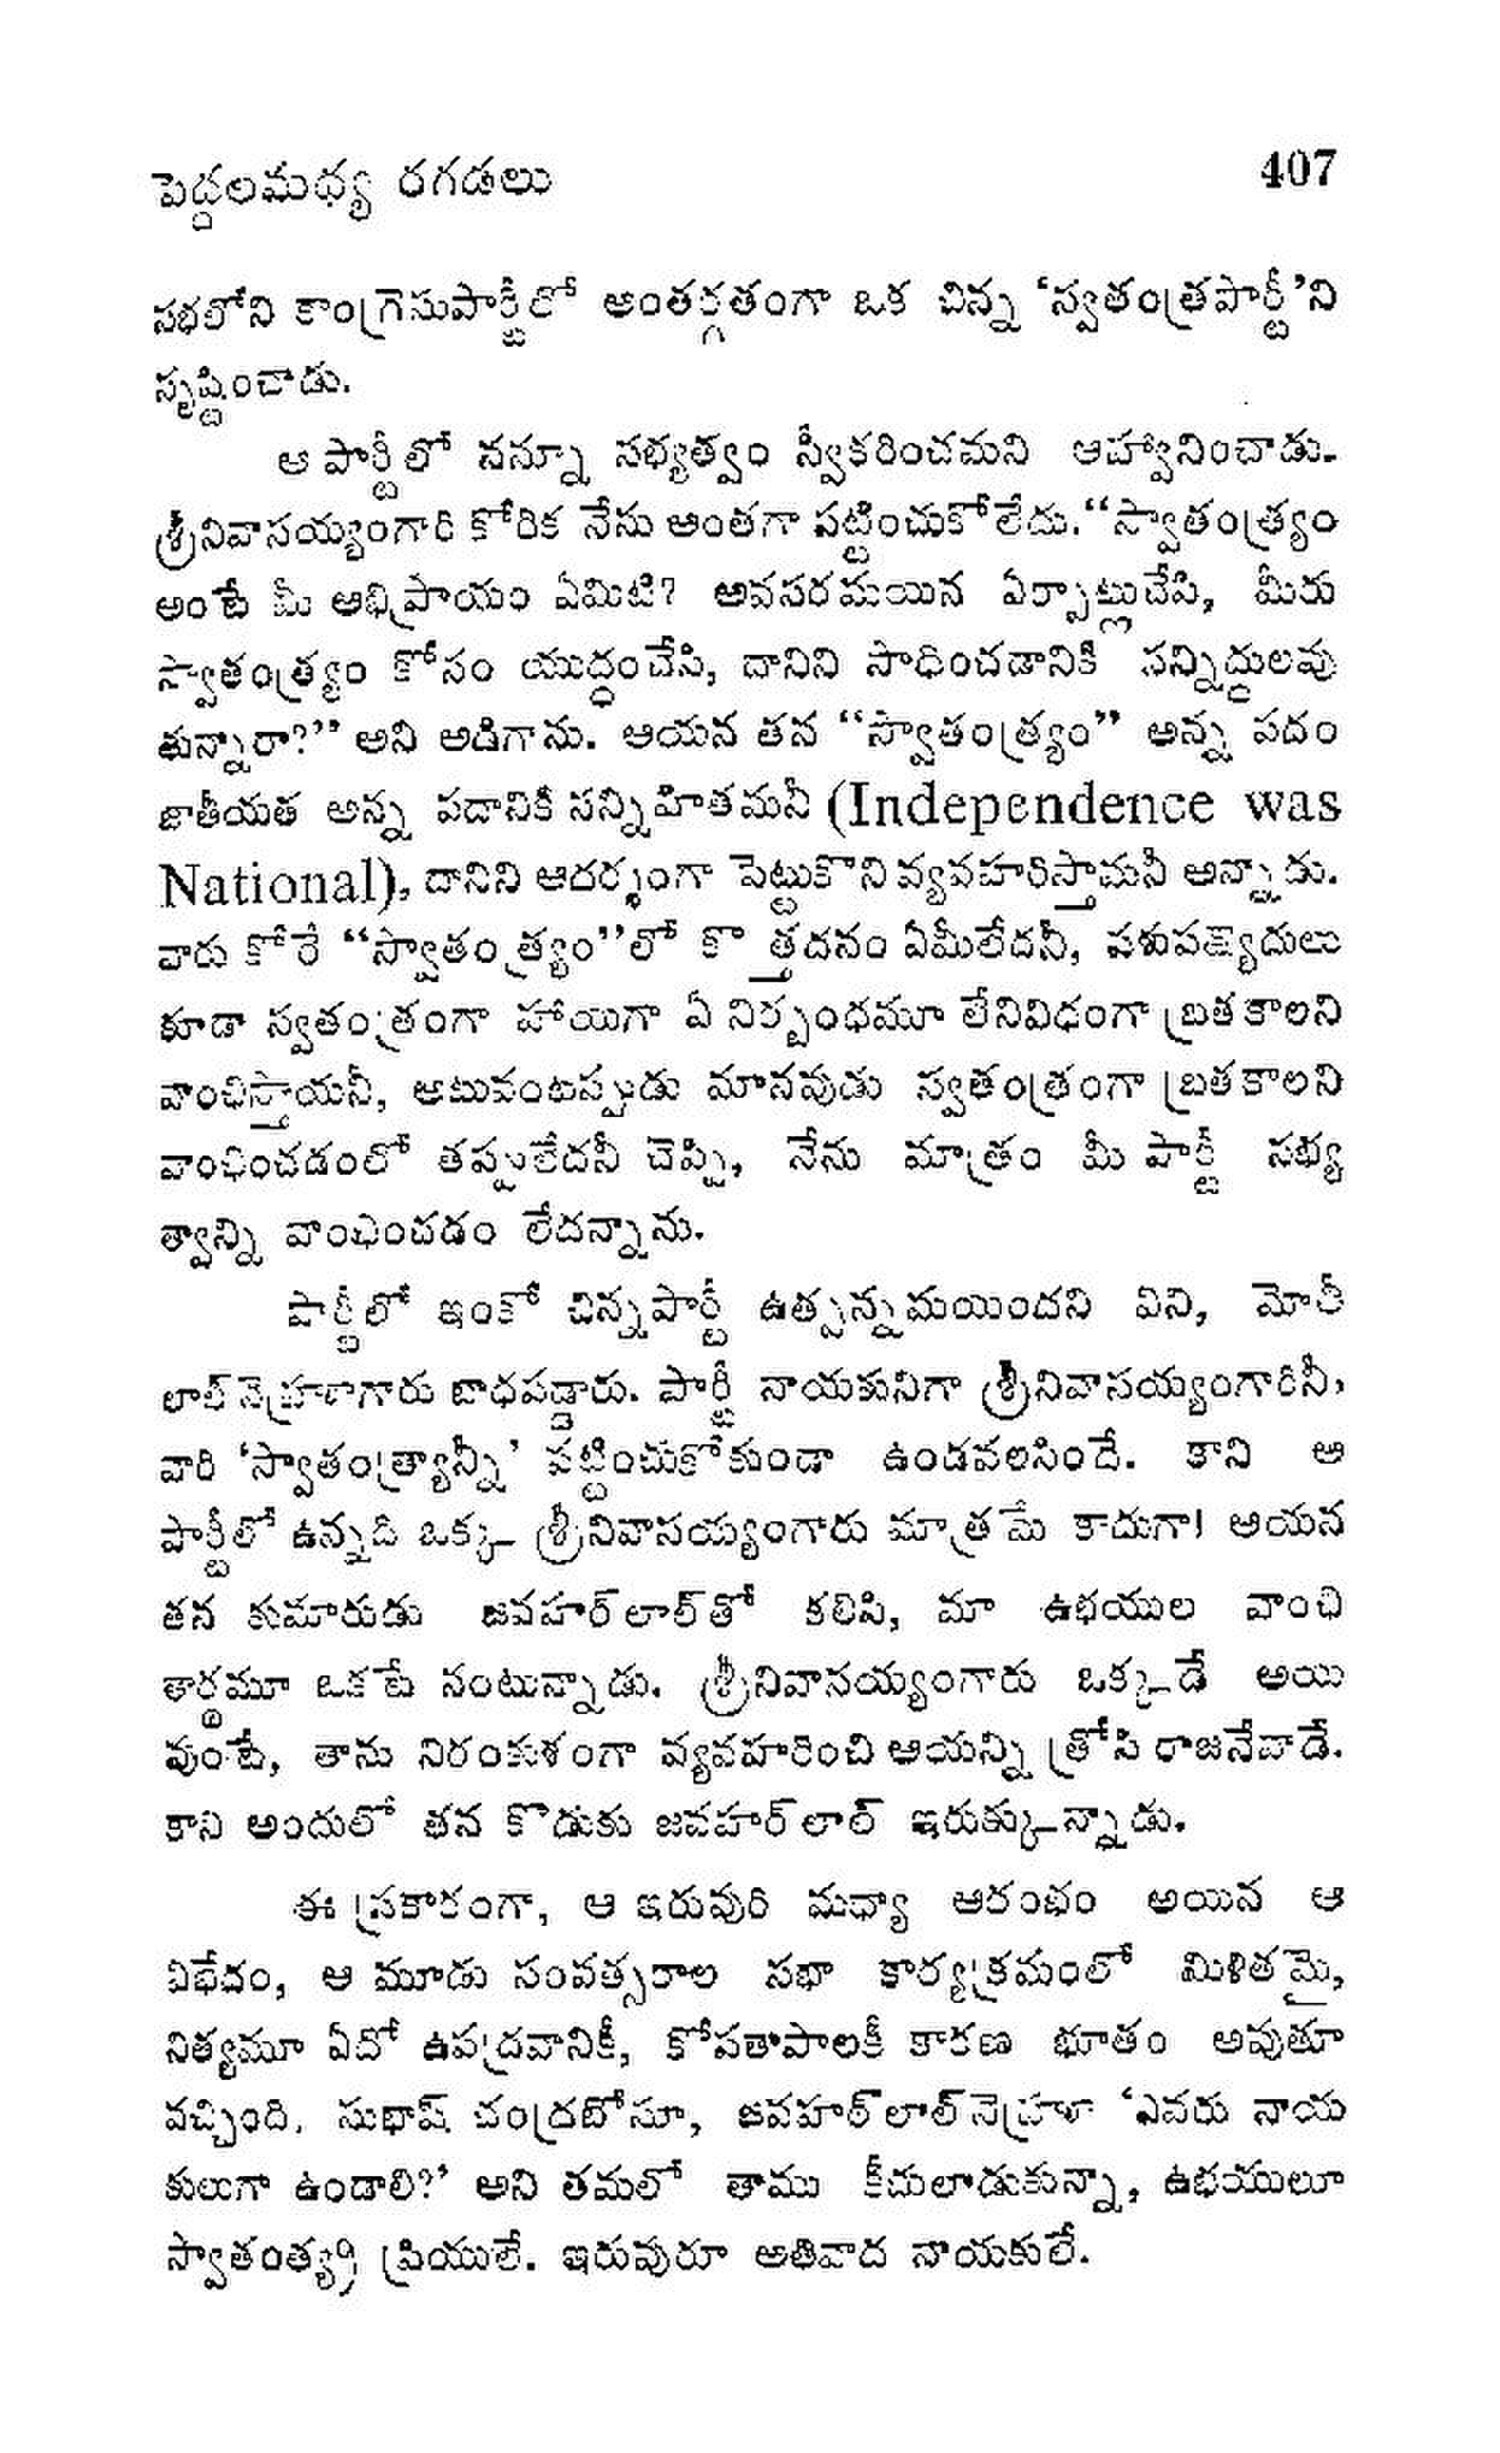సభలోని కాంగ్రెసుపార్టీలో అంతర్గతంగా ఒక చిన్న 'స్వతంత్రపార్టీ'ని సృష్టించాడు.

ఆ పార్టీలో నన్నూ సభ్యత్వం స్వీకరించమని ఆహ్వానించాడు. శ్రీనివాసయ్యంగారి కోరిక నేను అంతగా పట్టించుకోలేదు. "స్వాతంత్ర్యం అంటే మీ అభిప్రాయం ఏమిటి? అవసరమయిన ఏర్పాట్లుచేసి, మీరు స్వాతంత్ర్యం కోసం యుద్ధంచేసి, దానిని సాధించడానికి సన్నిద్దులవుతున్నారా?" అని అడిగాను. ఆయన తన "స్వాతంత్ర్యం" అన్న పదం జాతీయత అన్న పదానికి సన్నిహితమనీ (Independence was National), దానిని ఆదర్శంగా పెట్టుకొని వ్యవహరిస్తామనీ అన్నాడు. వారు కోరే "స్వాతంత్ర్యం"లో కొత్తదనం ఏమీలేదనీ, పశుపక్ష్యాదులు కూడా స్వతంత్రంగా హాయిగా ఏ నిర్భంధమూ లేనివిధంగా బ్రతకాలని వాంఛిస్తాయనీ, అటువంటప్పుడు మానవుడు స్వతంత్రంగా బ్రతకాలని వాంఛిచడంలో తప్పులేదనీ చెప్పి, నేను మాత్రం మీ పార్టీ సభ్యత్వాన్ని వాంఛించడం లేదన్నాను.

పార్టీలో ఇంకో చిన్నపార్టీ ఉత్పన్నమయిందని విని, మోతీలాల్‌నెహ్రూగారు బాధపడ్డారు. పార్టీ నాయకునిగా శ్రీనివాసయ్యంగారినీ, వారి 'స్వాతంత్ర్యాన్నీ' పట్టించుకోకుండా ఉండవలసిందే. కాని అ పార్టీలో ఉన్నది ఒక్క శ్రీనివాసయ్యంగారు మాత్రమే కాదుగా! ఆయన తన కుమారుడు జవహర్‌లాల్‌తో కలిసి, మా ఉభయుల వాంఛితార్థమూ ఒకటే నంటున్నాడు. శ్రీనివాసయ్యంగారు ఒక్కడే అయివుంటే, తాను నిరంకుశంగా వ్యవహరించి ఆయన్ని త్రోసి రాజనేవాడే. కాని అందులో తన కొడుకు జవహర్‌లాల్ ఇరుక్కున్నాడు.

ఈ ప్రకారంగా, ఆ ఇరువురి మధ్యా ఆరంభం అయిన ఆ విభేదం, ఆ మూడు సంవత్సరాల సభా కార్యక్రమంలో మిళితమై, నిత్యమూ ఏదో ఉపద్రవానికీ, కోపతాపాలకీ కారణ భూతం అవుతూ వచ్చింది. సుభాష్ చంద్రబోసూ, జవహర్‌లాల్‌నెహ్రూ 'ఎవరు నాయకులుగా ఉండాలి?' అని తమలో తాము కీచులాడుకున్నా, ఉభయులూ స్వాతంత్ర్య ప్రియులే. ఇరువురూ అతివాద నాయకులే.